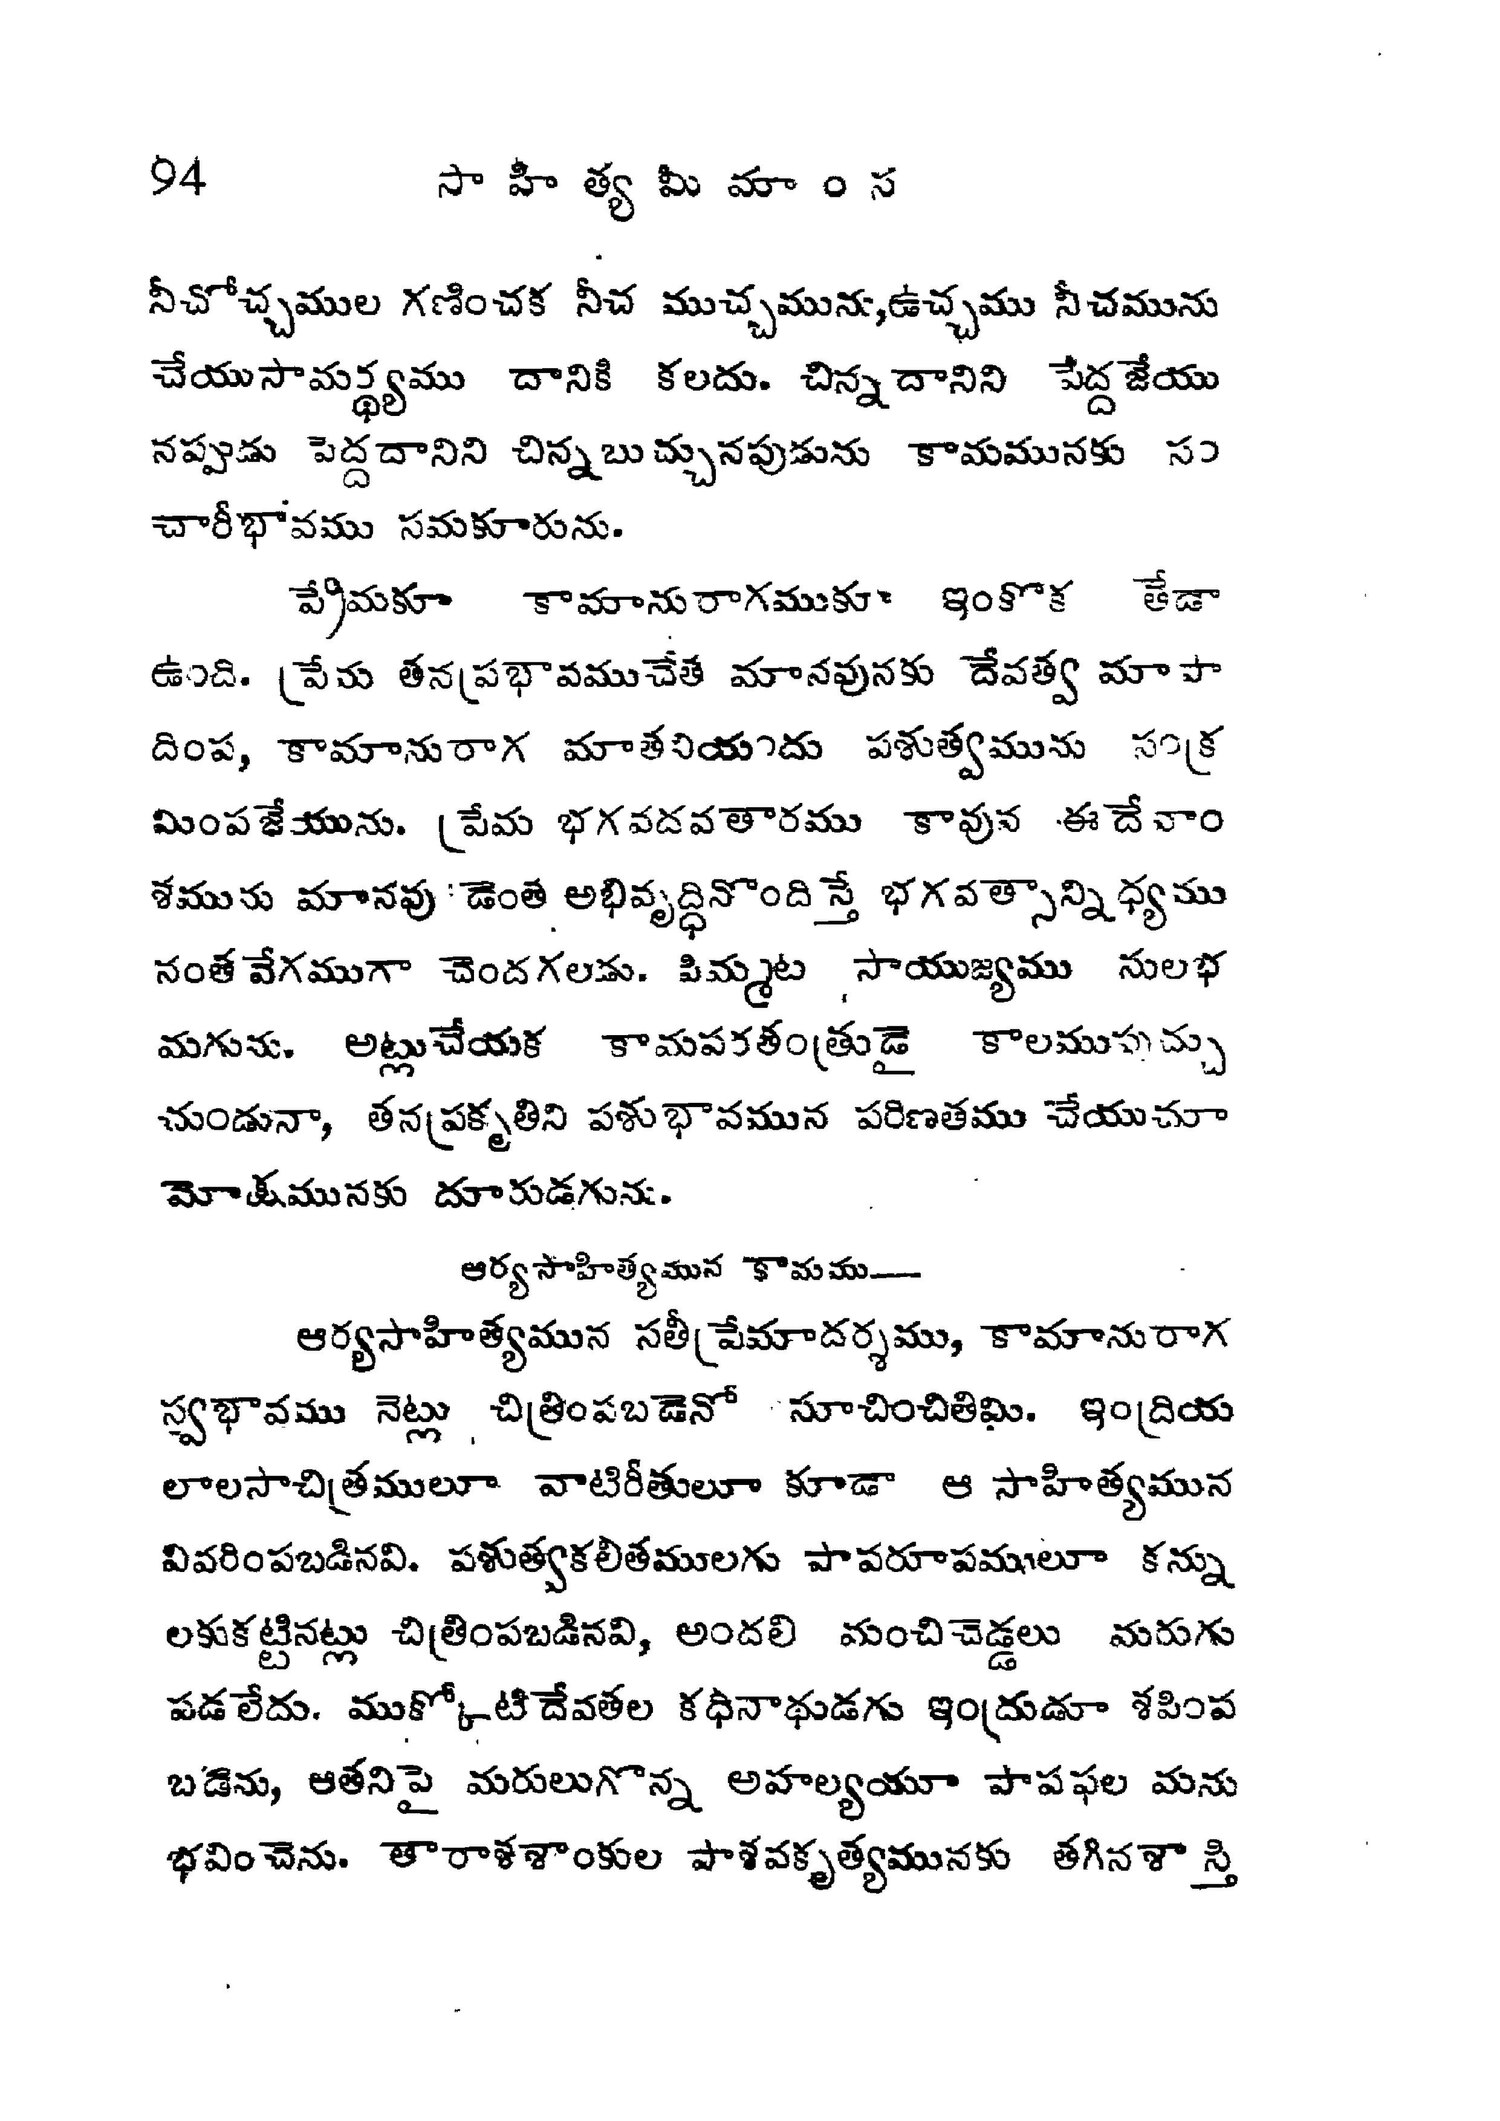నీచోచ్చముల గణించక నీచ ముచ్చమును, ఉచ్చము నీచమును చేయుసామర్థ్యము దానికి కలదు. చిన్నదానిని పెద్దజేయునప్పుడు పెద్దదానిని చిన్నబుచ్చునప్పుడును కామమునకు సంచారీభావము సమకూరును.

ప్రేమకూ కామానురాగమునకూ ఇంకొక తేడా ఉంది. ప్రేమ తనప్రభావముచేత మానవునకు దేవత్వ మాపాదింప, కామానురాగ మాతనియందు పశుత్వమును సంక్రమింపజేయును. ప్రేమ భగవదవతారము కావున ఈదేవాంశమును మానవు డెంత అభివృద్ధినొందిస్తే భగవత్సాన్నిధ్యము నంతవేగముగా చెందగలడు. పిమ్మట సాయుజ్యము సులభ మగును. అట్లుచేయక కామపరతంత్రుడై కాలముపుచ్చు చుండునా, తనప్రకృతిని పశుభావమున పరిణతము చేయుచూ మోక్షమునకు దూరుడగును.

ఆర్యసాహిత్యమున సతీప్రేమాదర్శము, కామానురాగ స్వభావము నెట్లు చిత్రింపబడెనో సూచించితిమి. ఇంద్రియ లాలసాచిత్రములూ వాటిరీతులూ కూడ ఆ సాహిత్యమున వివరింపబడినవి. పశుత్వకలితములగు పాపరూపములూ కన్నులకుకట్టినట్లు చిత్రింపబడినవి, అందలి మంచిచెడ్డలు మరుగుపడలేదు. ముక్కోటిదేవతల కధీనాథుడగు ఇంద్రుడూ శపింపబడెను, ఆతనిపై మరులుగొన్న అహల్యయూ పాపఫల మనుభవించెను. తారాశశాంకుల పాశవకృత్యమునకు తగినశాస్తి